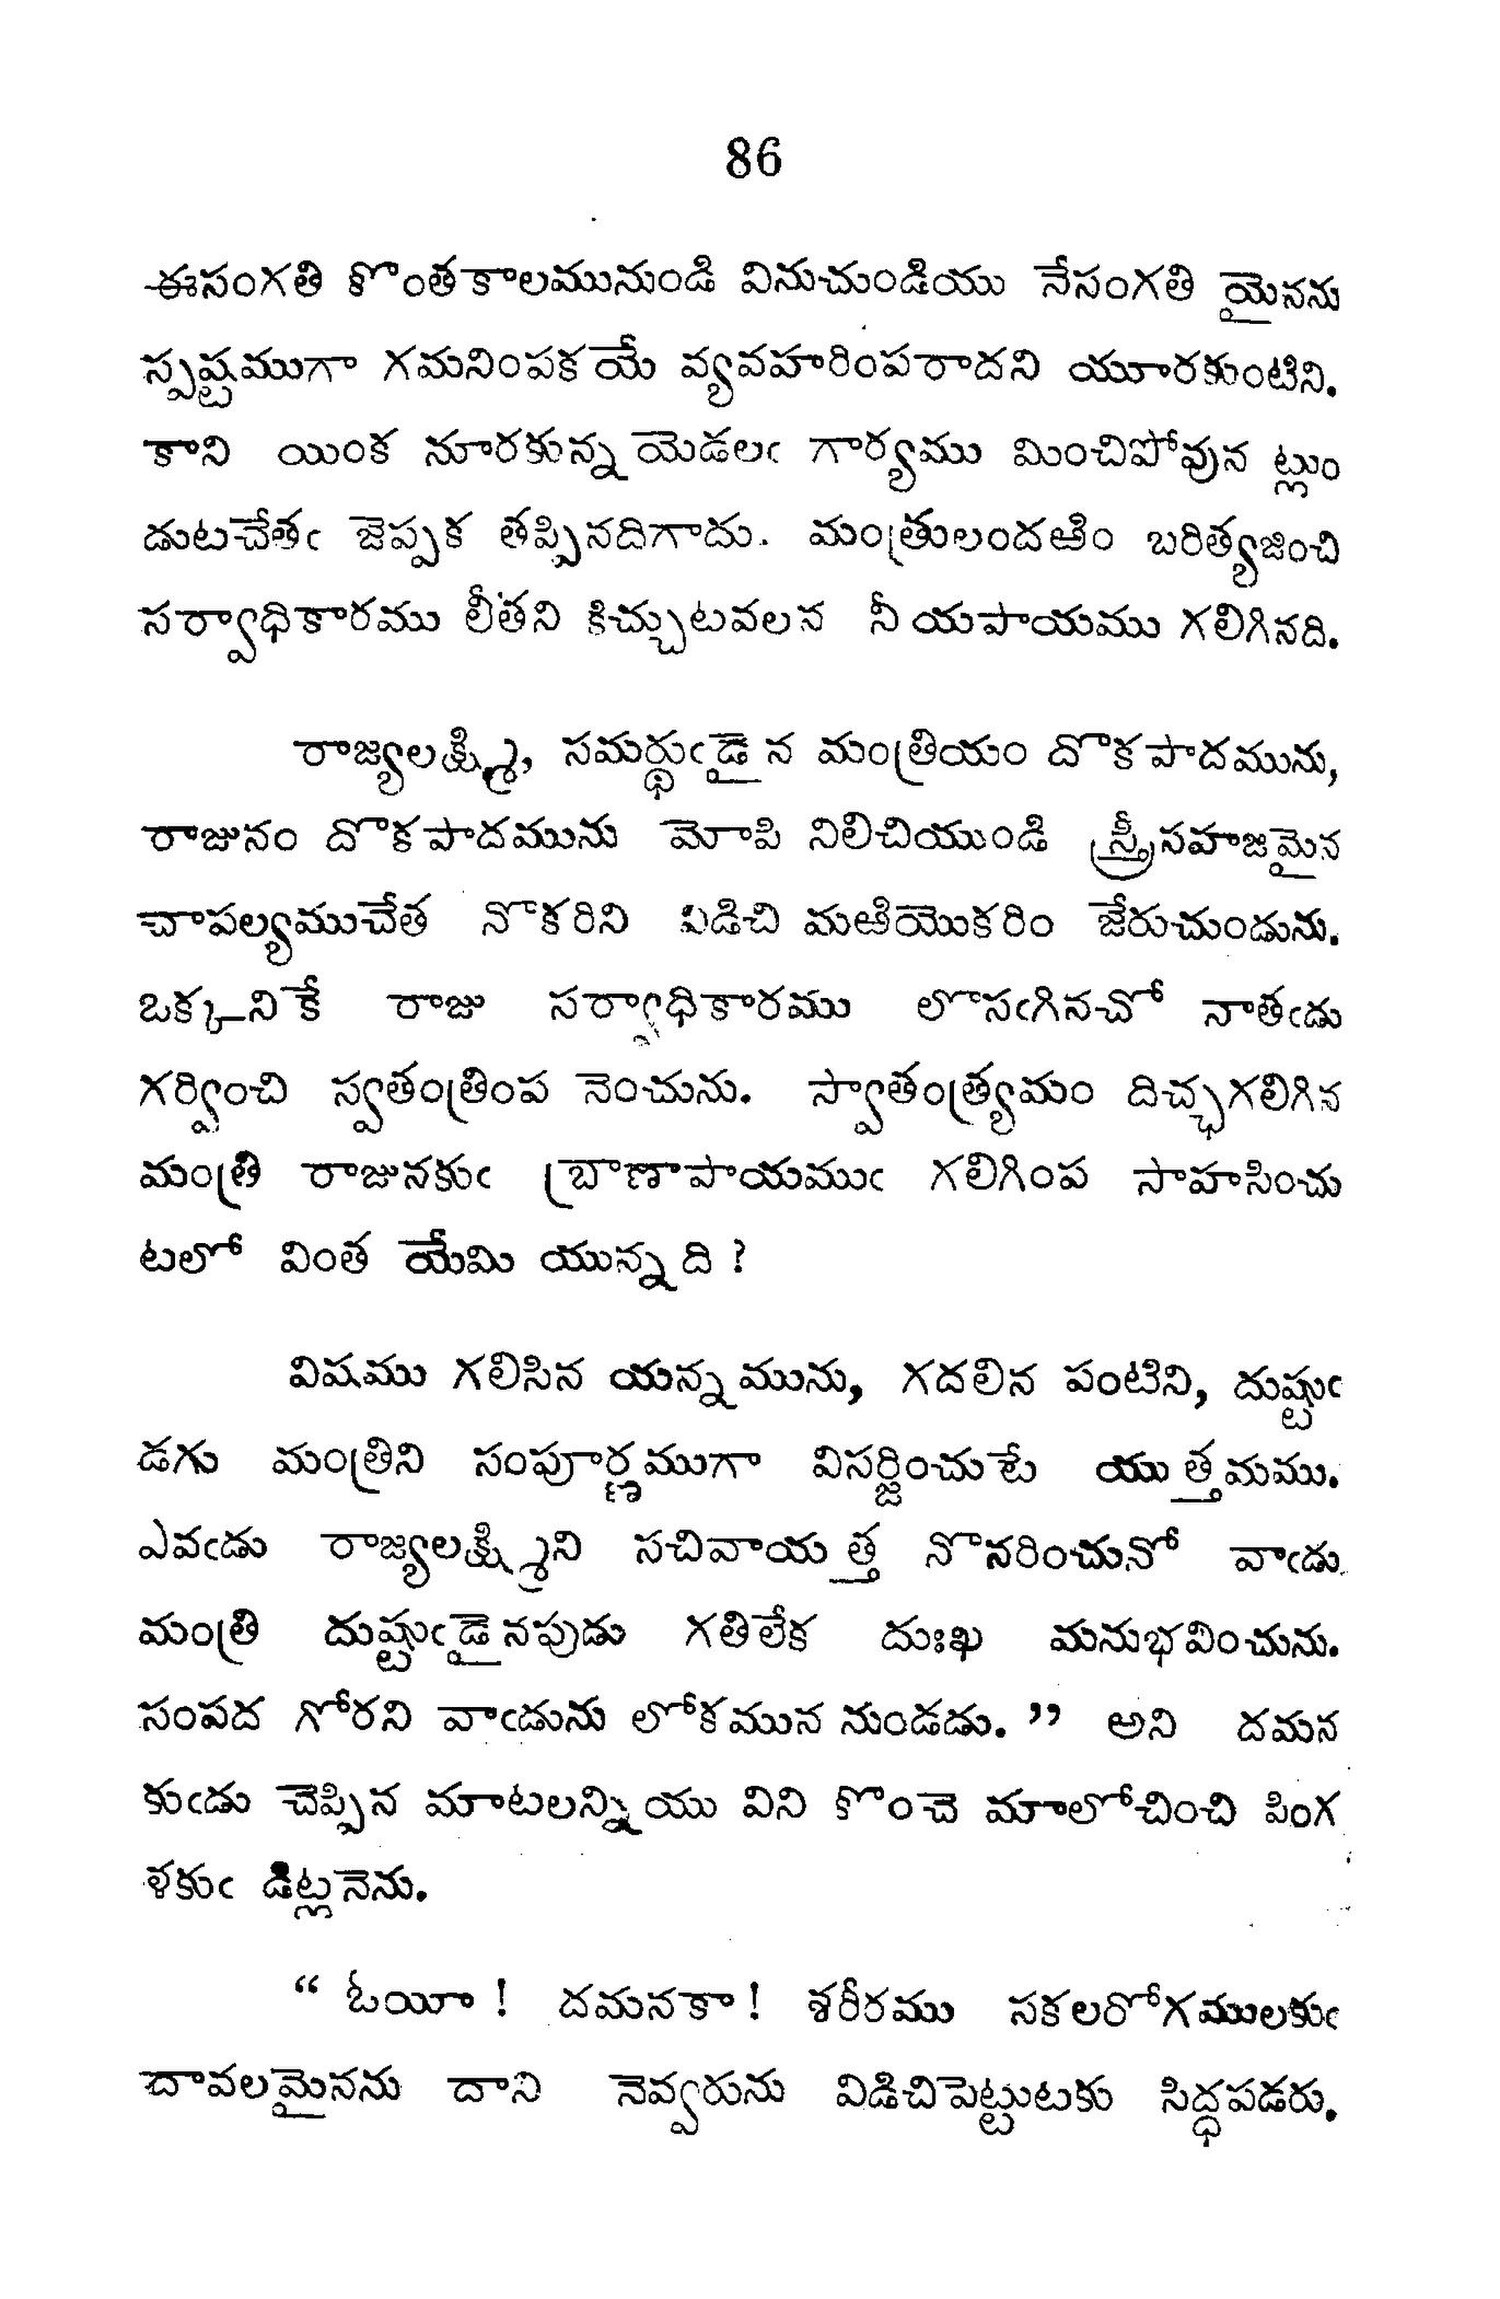ఈసంగతి కొంతకాలమునుండి వినుచుండియు నేసంగతి యైనను స్పష్టముగా గమనింపకయే వ్యవహరింపరాదని యూరకుంటిని, కాని యింక నూరకున్నయెడల గార్యము మించిపోవున ట్లుండుటచేత జెప్పక తప్పినదిగాదు. మంత్రులందఱిం బరిత్యజించి సర్వాధికారము లీతని కిచ్చుటవలన నీ యపాయము గలిగినది.

రాజ్యలక్ష్మి, సమర్థుడైన మంత్రియం దొకపాదమును, రాజునం దొకపాదమును మోపి నిలిచియుండి స్త్రీసహజమైన చాపల్యముచేత నొకరిని విడిచి మఱియొకరిం జేరుచుండును. ఒక్కనికే రాజు సర్వాధికారము లొసగినచో నాతడు గర్వించి స్వతంత్రింప నెంచును. స్వాతంత్ర్యమం దిచ్ఛగలిగిన మంత్రి రాజునకు బ్రాణాపాయము గలిగింప సాహసించుటలో వింత యేమి యున్నది?

విషము గలిసిన యన్నమును, గదలిన పంటిని, దుష్టుడగు మంత్రిని సంపూర్ణముగా విసర్జించుటే యుత్తమము. ఎవడు రాజ్యలక్ష్మిని సచివాయత్త నొనరించునో వాడు మంత్రి దుష్టుడైనపుడు గతిలేక దు:ఖ మనుభవించును. సంపద గోరని వాడును లోకమున నుండడు." అని దమనకుడు చెప్పిన మాటలన్నియు విని కొంచె మాలోచించి పింగళకు డిట్లనెను.

"ఓయీ! దమనకా! శరీరము సకలరోగములకు దావలమైనను దాని నెవ్వరును విడిచిపెట్టుటకు సిద్ధపడరు,